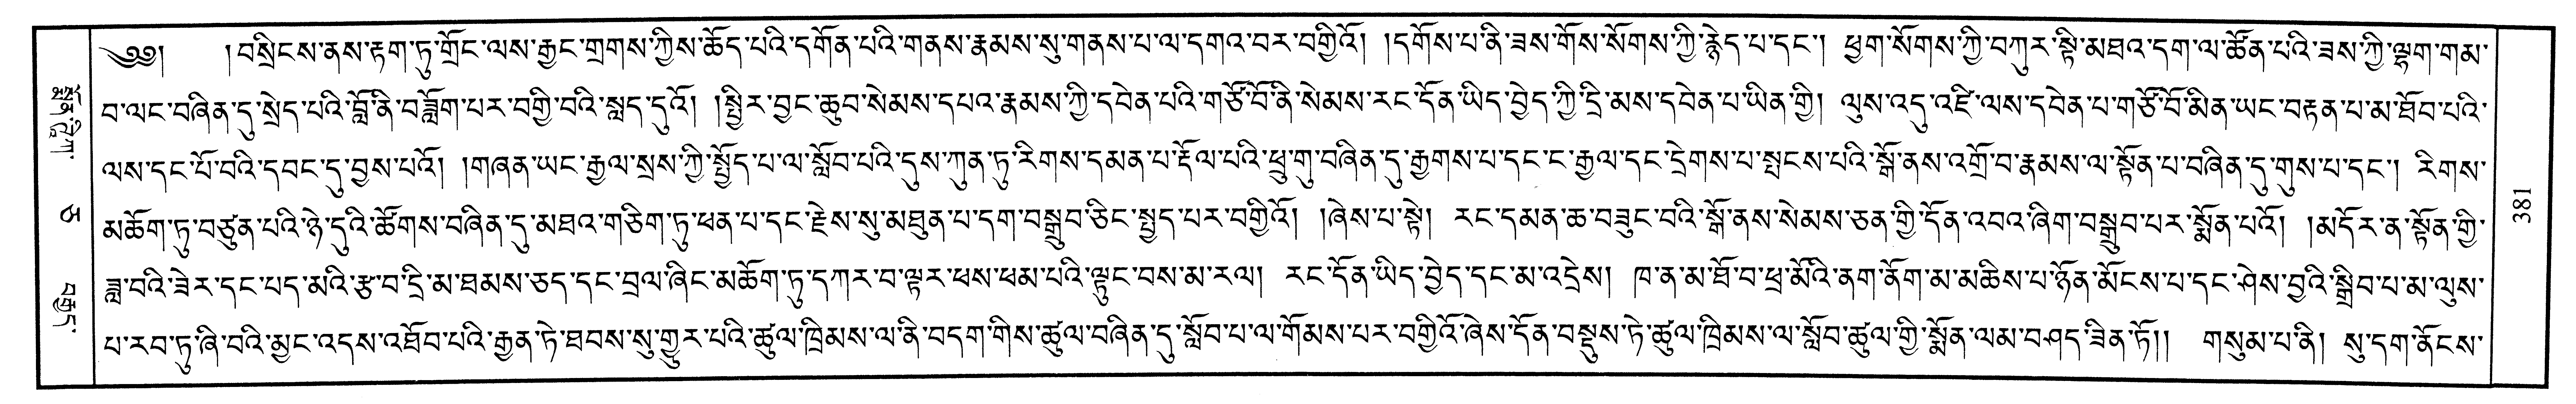༄༅། །བསྲིངས་ནས་རྟག་ཏུ་གྲོང་ལས་རྒྱང་གྲགས་ཀྱིས་ཆོད་པའི་དགོན་པའི་གནས་རྣམས་སུ་གནས་པ་ལ་དགའ་བར་བགྱིའོ། །དགོས་པ་ནི་ཟས་གོས་སོགས་ཀྱི་རྙེད་པ་དང་། ཕྱག་སོགས་ཀྱི་བཀུར་སྟི་མཐའ་དག་ལ་ཚོན་པའི་ཟས་ཀྱི་ལྷག་གམ་
བ་ལང་བཞིན་དུ་སྲེད་པའི་བློ་ནི་བཟློག་པར་བགྱི་བའི་སླད་དུའོ། །སྤྱིར་བྱང་ཆུབ་སེམས་དཔའ་རྣམས་ཀྱི་དབེན་པའི་གཙོ་བོ་ནི་སེམས་རང་དོན་ཡིད་བྱེད་ཀྱི་དྲི་མས་དབེན་པ་ཡིན་གྱི། ལུས་འདུ་འཛི་ལས་དབེན་པ་གཙོ་བོ་མིན་ཡང་བརྟན་པ་མ་ཐོབ་པའི་
ལས་དང་པོ་བའི་དབང་དུ་བྱས་པའོ། །གཞན་ཡང་རྒྱལ་སྲས་ཀྱི་སྤྱོད་པ་ལ་སློབ་པའི་དུས་ཀུན་ཏུ་རིགས་དམན་པ་རྡོལ་པའི་ཕྲུ་གུ་བཞིན་དུ་རྒྱགས་པ་དང་རྒྱལ་དང་དྲེགས་པ་སྤངས་པའི་སྒོ་ནས་འགྲོ་བ་རྣམས་ལ་སྟོན་པ་བཞིན་དུ་གུས་པ་དང་། རིགས་
མཆོག་ཏུ་བཙུན་པའི་ཉེ་དུའི་ཚོགས་བཞིན་དུ་མཐའ་གཅིག་ཏུ་ཕན་པ་དང་རྗེས་སུ་མཐུན་པ་དག་བསྒྲུབ་ཅིང་སྤྱད་པར་བགྱིའོ། །ཞེས་པ་སྟེ། རང་དམན་ཆ་བཟུང་བའི་སྒོ་ནས་སེམས་ཅན་གྱི་དོན་འབའ་ཞིག་བསྒྲུབ་པར་སྨོན་པའོ། །མདོར་ན་སྟོན་གྱི་
ཟླ་བའི་ཟེར་དང་པད་མའི་རྩ་བ་དྲི་མ་ཐམས་ཅད་དང་བྲལ་ཞིང་མཆོག་ཏུ་དཀར་བ་ལྟར་ཕས་ཕམ་པའི་ལྟུང་བས་མ་རལ། རང་དོན་ཡིད་བྱེད་དང་མ་འདྲེས། ཁ་ན་མ་ཐོ་བ་ཕྲ་མོའི་ནག་ནོག་མ་མཆིས་པ་ཉོན་མོངས་པ་དང་ཤེས་བྱའི་སྒྲིབ་པ་མ་ལུས་
པ་རབ་ཏུ་ཞི་བའི་མྱང་འདས་འཐོབ་པའི་རྒྱན་ཏེ་ཐབས་སུ་གྱུར་པའི་ཚུལ་ཁྲིམས་ལ་ནི་བདག་གིས་ཚུལ་བཞིན་དུ་སློབ་པ་ལ་གོམས་པར་བགྱིའོ་ཞེས་དོན་བསྡུས་ཏེ་ཚུལ་ཁྲིམས་ལ་སློབ་ཚུལ་གྱི་སྨོན་ལམ་བཤད་ཟིན་ཏོ།། གསུམ་པ་ནི། སུ་དག་ནོངས་